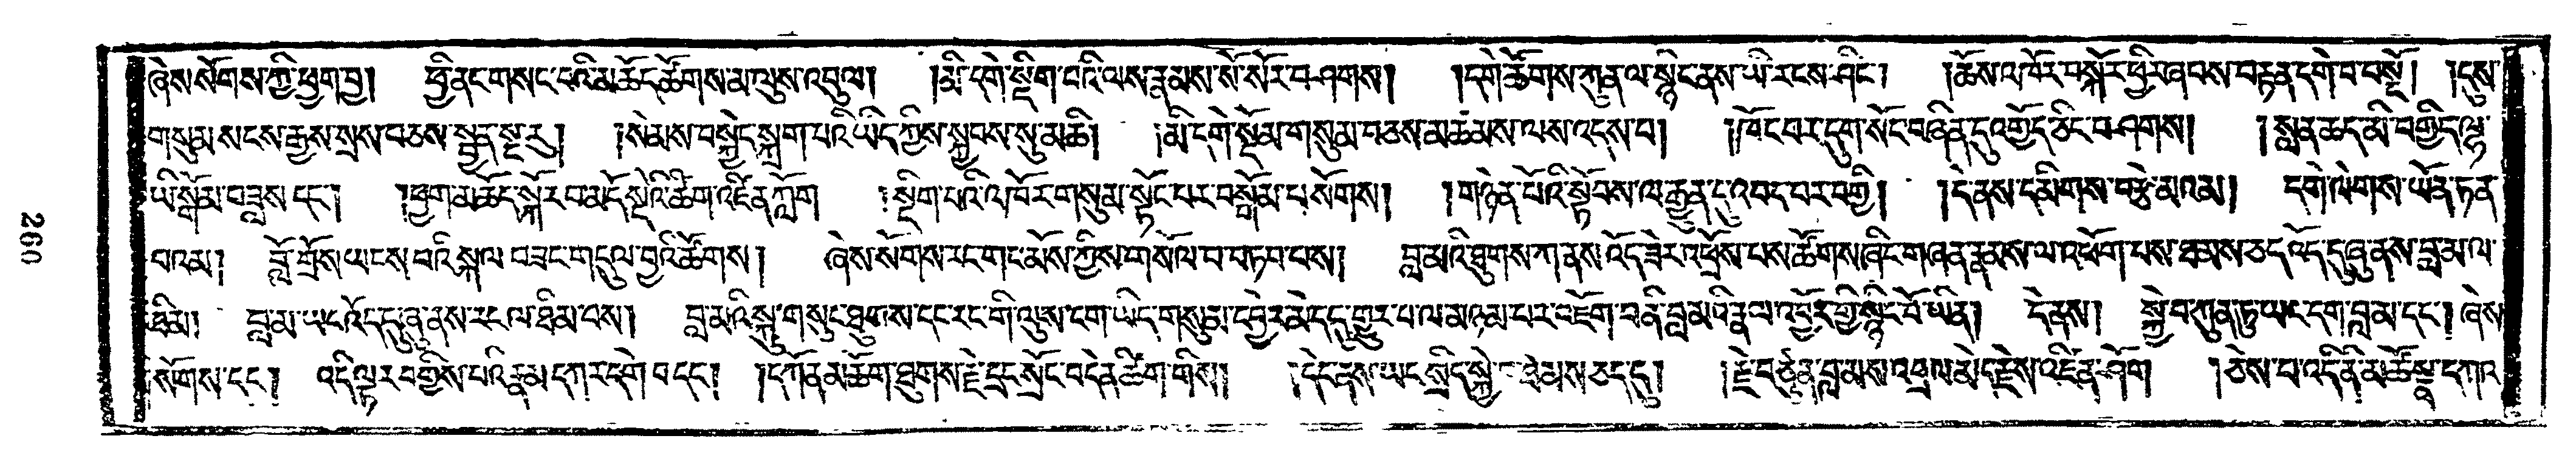ཞེས་སོགས་ཀྱི་ཕྱག་བྱ། ཕྱི་ནང་གསང་བའི་མཆོད་ཚོགས་མ་ལུས་འབུལ། །མི་དགེ་སྡིག་བའི་ལས་རྣམས་སོ་སོར་བཤགས། །དགེ་ཚོགས་ཀུན་ལ་སྙིང་ནས་ཡི་རངས་ཤིང་། །ཆོས་འཁོར་བསྐོར་ཕྱིར་ཞབས་བརྟན་དགེ་བ་བསྔོ། །དུས་
གསུམ་སངས་རྒྱས་སྲས་བཅས་སྤྱན་སྔ་རུ། །སེམས་བསྐྱེད་སྐྲག་པའི་ཡིད་ཀྱིས་སྐྱབས་སུ་མཆི། །མི་དགེ་སྡོམ་གསུམ་བཅས་མཚམས་ལས་འདས་པ། །ཁོང་བར་དུག་སོང་བཞིན་དུ་འགྱོད་ཅིང་བཤགས། །སླན་ཆད་མི་བགྱིད་ལྷ་
ཡི་སྒོམ་བཟླས་དང་། །ཕྱག་མཆོད་སྐོར་བ་མདོ་སྡེའི་ཚིག་འཛིན་ཀློག །སྡིག་པའི་འཁོར་གསུམ་སྟོང་པར་བསྒོམ་པ་སོགས། །གཉེན་པོའི་སྟོབས་ལ་རྒྱུན་དུ་འབད་པར་བགྱི། །དེ་ནས་དམིགས་བརྩེ་མའམ། དགེ་ལེགས་ཡོན་ཏན་
བའམ། བློ་གྲོས་ཡངས་བའི་སྐལ་བཟང་གདུལ་བྱའི་ཚོགས། ཞེས་སོགས་རང་གང་མོས་ཀྱིས་གསོལ་བ་བཏབ་པས། བླ་མའི་ཐུགས་ཀ་ནས་འོད་ཟེར་འཕྲོས་པས་ཚོགས་ཞིང་གཞན་རྣམས་ལ་འཕོག་པས་ཐམས་ཅད་འོད་དུ་ཞུ་ནས་བླ་མ་ལ་
ཐིམ། བླ་མ་ཡང་འོད་དུ་ཞུ་ནས་རང་ལ་ཐིམ་བས། བླ་མའི་སྐུ་གསུང་ཐུགས་དང་རང་གི་ལུས་ངག་ཡིད་གསུམ་དབྱེར་མེད་དུ་གྱུར་པ་ལ་མཉམ་པར་འཇོག་པ་ནི་བླ་མའི་རྣལ་འབྱོར་གྱི་སྙིང་པོ་ཡིན། དེ་ནས། སྐྱེ་བ་ཀུན་ཏུ་ཡང་དག་བླ་མ་དང་། ཞེས་
སོགས་དང་། འདི་ལྟར་བགྱིས་པའི་རྣམ་དཀར་དགེ་བ་དང་། །དཀོན་མཆོག་ཐུགས་རྗེ་དྲང་སྲོང་བདེན་ཚིག་གིས། །དེང་ནས་ཡང་སྲིད་སྐྱེ་བ་ཐེམས་ཅད་དུ། །རྗེ་བཙུན་བླ་མས་འབྲལ་མེད་རྗེས་འཛིན་ཤོག །ཅེས་པ་འདི་ནི་མཚོ་སྣ་དཀར་